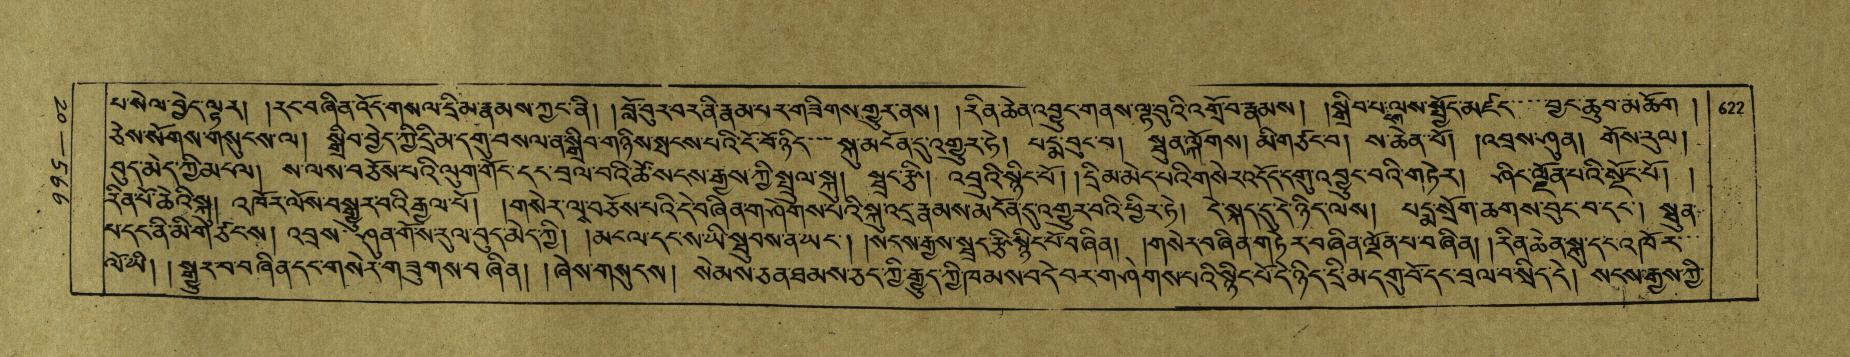པ་སེལ་བྱེད་ལྟར། །རང་བཞིན་འོད་གསལ་དྲི་མ་རྣམས་ཀྱང་ནི། །བློ་བུར་བར་ནི་རྣམ་པར་གཟིགས་གྱུར་ནས། །རིན་ཆེན་འབྱུང་གནས་ལྟ་བུའི་འགྲོ་བ་རྣམས། །སྒྲིབ་པ་ངག་ལས་སྤྱོད་མཛད་བྱང་ཆུབ་མཆོག།
ཅེས་སོགས་གསུངས་ལ། སྒྲིབ་བྱེད་ཀྱི་དྲི་མ་དགུ་བསལ་ན་སྒྲིབ་གཉིས་སྤངས་པའི་ངོ་བོ་ཉིད་སྐུ་མངོན་དུ་འགྱུར་ཏེ། པདམ་བུང་བ། སྦུན་ལྐོགས། མི་གཙང་བ། ས་ཆེན་པོ། །འབྲས་ཤུན། གོས་རུལ།
བུད་མེད་ཀྱི་མངལ། ས་ལས་བཅོས་པའི་ལུག་གོང་དང་བྲལ་བའི་ཚེ་སངས་རྒྱས་ཀྱི་སྤྲུལ་སྐུ། སྦྲང་རྩི། འབྲུའི་སྙིང་པོ། །དྲི་མ་མེད་པའི་གསེར་འདོད་དགུ་འབྱུང་བའི་གཏེར། ཤིང་ལྗོན་པའི་སྡོང་པོ། །
རིན་པོ་ཆེའི་སྐུ། འཁོར་ལོས་བསྒྱུར་བའི་རྒྱལ་པོ། །གསེར་ལས་བཅོས་པའི་དེ་བཞིན་གཤེགས་པའི་སྐུ་འདྲ་རྣམས་མངོན་དུ་འགྱུར་བའི་ཕྱིར་ཏེ། དེ་སྐད་དུ་དེ་ཉིད་ལས། པདམ་སྲོག་ཆགས་བུང་བ་དང་། སྦུན་
པ་དང་ནི་མི་གཙངས། འབྲས་ཤུན་གོ་ས་རུལ་བུད་མེད་ཀྱི། །མངལ་དང་ས་ཡི་སྦུབས་ན་ཡང་། །སངས་རྒྱས་སྦྲད་རྩི་སྙིང་པོ་བཞིན། །གསེར་བཞིན་གཏེར་བཞིན་ལྡོན་པ་བཞིན། །རིན་ཆེན་སྐུ་དང་འཁོར་
ལོ་ཡི། །སྒྱུར་བ་བཞིན་དང་གསེར་གཟུགས་བཞིན། །ཞེས་གསུངས། སེམས་ཅན་ཐམས་ཅད་ཀྱི་རྒྱུད་ཀྱི་ཁམས་བདེ་བར་གཤེགས་པའི་སྙིང་པོ་དེ་ཉིད་དྲི་མ་དགུ་བོ་དང་བྲལ་བ་སྲིད་དེ། སངས་རྒྱས་ཀྱི་